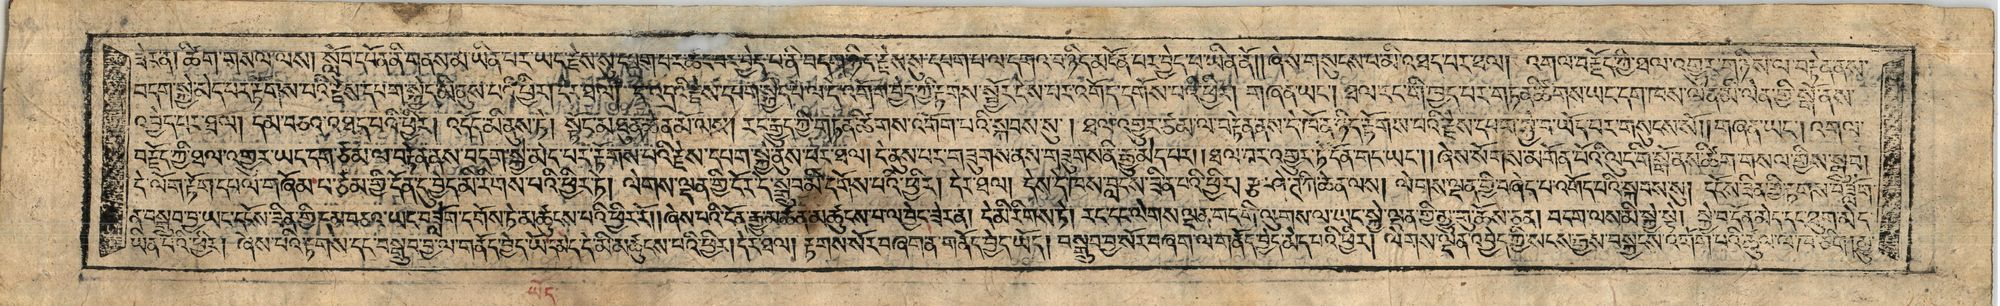ཟེར་ན། ཚིག་གསལ་ལས། སློབ་དཔོན་ནི་གནས་མ་ཡིན་པར་ཡང་རྗེས་སུ་དཔག་པ་འཚང་བར་བྱེད་པ་ནི་བདག་ཉིད་རྗེས་སུ་དཔག་པ་ལ་དགའ་བ་ཉིད་མངོན་པར་བྱེད་པ་ཡིན་ནོ། །ཞེས་གསུངས་པ་མི་འཐད་པར་ཐལ། འགལ་བརྗོད་ཀྱི་ཐལ་འགྱུར་གཉིས་ལ་བརྟེན་ནས་
བདག་སྐྱེ་མེད་པར་རྟོགས་པའི་རྗེས་དཔག་སྐྱེད་མི་ནུས་པའི་ཕྱིར། དེར་ཐལ། དེ་འདྲའི་རྗེས་དཔག་སྐྱེད་པ་ལ་དེ་འགོག་བྱེད་ཀྱི་རྟགས་སྦྱོར་ངེས་པར་འགོད་དགོས་པའི་ཕྱིར། གཞན་ཡང་། ཐལ་རང་གི་ཁྱད་པར་གཏན་ཚིགས་ཡང་དག་ཁས་ལེན་མི་ལེན་གྱི་སྒོ་ནས་
འབྱེད་པར་ཐལ། དམ་བཅའ་འཐད་པའི་ཕྱིར། འདོད་མི་ནུས་ཏེ། སྟོང་མཐུན་ཆེན་མོ་ལས། རང་རྒྱུད་ཀྱི་གཏན་ཚིགས་འགོག་པའི་སྐབས་སུ། ཐལ་འགྱུར་ཙམ་ལ་བརྟེན་ནས་དེ་ཁོ་ན་ཉིད་རྟོགས་པའི་རྗེས་དཔག་སྐྱེ་བ་ཡོད་པར་གསུངས་སོ། །གཞན་ཡང་། འགལ་
བརྗོད་ཀྱི་ཐལ་འགྱུར་ཡང་དག་ཙམ་ལ་བརྟེན་ནས་བདག་སྐྱེ་མེད་པར་རྟོགས་པའི་རྗེས་དཔག་སྐྱེ་ནུས་པར་ཐལ། དེ་ནུས་པར་གཟུགས་ན་གཟུགས་ནི་རྒྱུ་མེད་པར། །ཐལ་བར་འགྱུར་ཏེ་དོན་གང་ཡང་། །ཞེས་སོགས་མགོན་པོའི་ལུང་གི་སྒོ་ནས་ཚིག་གསལ་གྱིས་སྒྲུབ།
དེ་ལོག་རྟོག་དཔལ་གཞོམ་པ་ཙམ་གྱི་དོན་དུ་བྱེད་མི་རིགས་པའི་ཕྱིར་ཏེ། ལེགས་ལྡན་གྱི་ངོར་དེ་སྒྲུབ་མི་དགོས་པའི་ཕྱིར། དེར་ཐལ། དེས་དེ་ཁས་བླངས་ཟིན་པའི་ཕྱིར། རྩ་ཤེ་ཊིཀ་ཆེན་ལས། ལེགས་ལྡན་གྱི་བཞེད་པ་འགོད་པའི་སྐབས་སུ། དངོས་ཟིན་གྱི་རྟགས་བཟློག་
ན་བསྒྲུབ་བྱ་ཡང་དངོས་ཟིན་གྱི་དམ་བཅའ་ཡང་བཟློག་དགོས་ཏེ་མཚུངས་པའི་ཕྱིར་རོ། །ཞེས་པའི་དོན་རྒྱུ་མཚན་མཚུངས་པ་ལ་བྱེད་ཟེར་ན། དེ་མི་རིགས་ཏེ། རང་དང་ལེགས་ལྡན་གང་གི་ལུགས་ལ་ཡང་སྐྱེ་ལྡན་གྱི་མྱུ་གུ་ཆོས་ཅན། བདག་ལས་མི་སྐྱེ་སྟེ། སྐྱེ་བ་དོན་མེད་དང་ཐུག་མེད་
ཡིན་པའི་ཕྱིར། ཞེས་པའི་རྟགས་དང་བསྒྲུབ་བྱ་ལ་གནོད་བྱེད་ཡོད་མེད་དེ་མི་མཚུངས་པའི་ཕྱིར། དེར་ཐལ། རྟགས་སོར་བཞག་ན་གནོད་བྱེད་ཡོད། བསྒྲུབ་བྱ་སོར་བཞག་ལ་གནོད་བྱེད་མེད་པའི་ཕྱིར། ལེགས་ལྡན་འབྱེད་ཀྱི་སངས་རྒྱས་བསྐྱངས་འགོག་པའི་ཚུལ་ལ་ཁ་ཅིག །མྱུ་